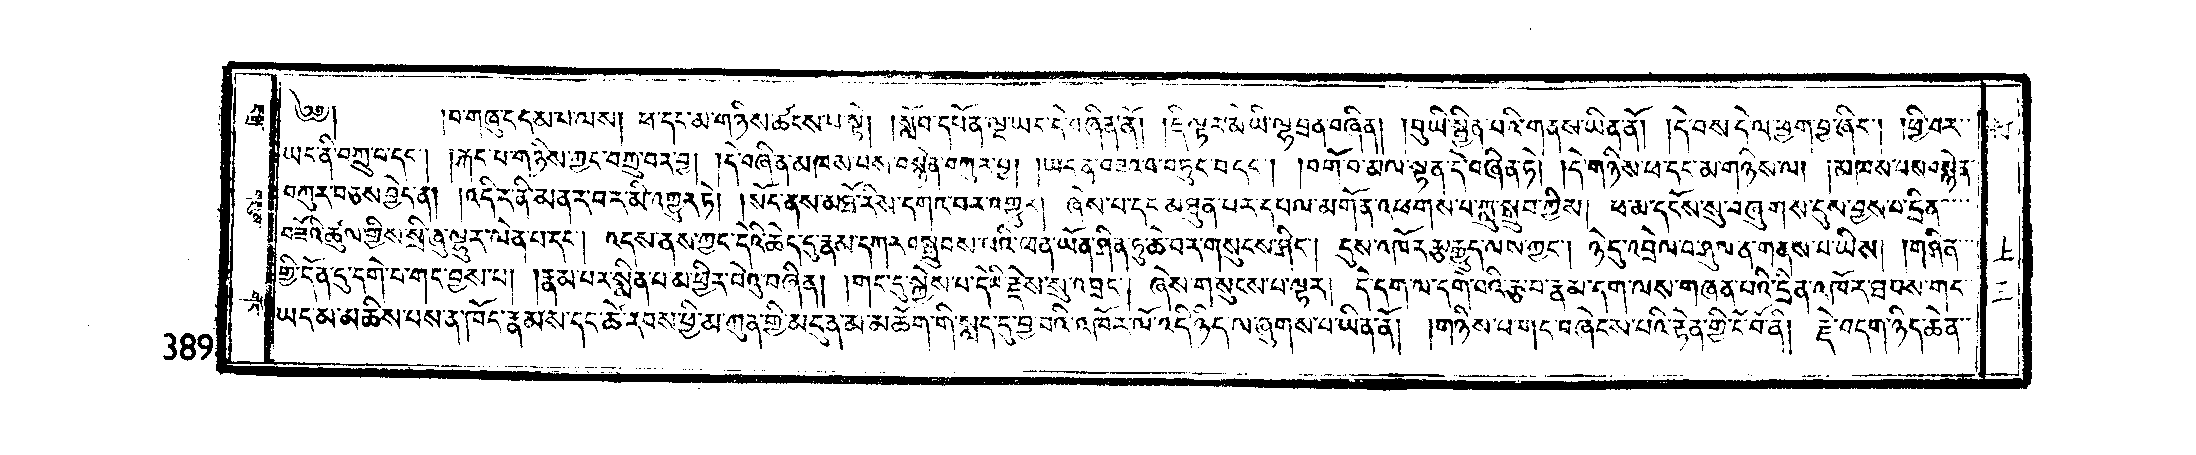༄༅། །བ་གཞུང་དམ་པ་ལས། ཕ་དང་མ་གཉིས་ཚངས་པ་སྟེ། །སློབ་དཔོན་ལྔ་ཡང་དེ་བཞིན་ནོ། །ཇི་ལྟར་མེ་ཡི་ལྷ་བྲན་བཞིན། །བུ་ཡི་སྦྱིན་པའི་གནས་ཡིན་ནོ། །དེ་བས་དེ་ལ་ཕྱག་བྱ་ཞིང་། །ཕྱི་བར་
ཡང་ནི་བཀྲུ་བ་དང་། །རྐང་པ་གཉིས་ཀྱང་བཀྲུ་བར་བྱ། །དེ་བཞིན་མཁས་པས་བསྙེན་བཀུར་བྱ། །ཡང་ན་བཟའ་བ་བཏུང་བ་དང་། །བགོ་བ་མལ་སྟན་དེ་བཞིན་ཏེ། །དེ་གཉིས་ཕ་དང་མ་གཉིས་ལ། །མཁས་པས་བསྙེན་
བཀུར་བཅས་བྱེད་ན། །འདིར་ནི་མནར་བར་མི་འགྱུར་ཏེ། །སོང་ནས་མཐོ་རིས་དགའ་བར་འགྱུར། ཞེས་པ་དང་མཐུན་པར་དཔལ་མགོན་འཕགས་པ་ཀླུ་སྒྲུབ་ཀྱིས། ཕ་མ་དངོས་སུ་བཞུགས་དུས་བྱས་པ་དྲིན་
བཟོའི་ཚུལ་གྱིས་སྲི་ཞུ་ལྷུར་ལེན་པ་དང་། འདས་ནས་ཀྱང་དེའི་ཆེད་དུ་རྣམ་དཀར་བསྒྲུབས་པའི་ཕན་ཡོན་ཤིན་ཏུ་ཆེ་བར་གསུངས་ཤིང་། དུས་འཁོར་རྩ་རྒྱུད་ལས་ཀྱང་། ཉེ་དུ་འབྲེལ་བ་ཤུལ་ན་གནས་པ་ཡིས། །གཤིན་
གྱི་དོན་དུ་དགེ་བ་གང་བྱས་པ། །རྣམ་པར་སྨིན་པ་མ་ཕྱིར་བེའུ་བཞིན། །གང་དུ་སྐྱེས་པ་དེ་ཡི་རྗེས་སུ་འབྲང་། ཞེས་གསུངས་པ་ལྟར། དེ་དག་ལ་དགེ་བའི་རྩ་བ་རྣམ་དག་ལས་གཞན་པའི་དྲིན་འཁོར་ཐབས་གང་
ཡང་མ་མཆིས་པས་ན་ཁོང་རྣམས་དང་ཚེ་རབས་ཕྱི་མ་ཀུན་གྱི་མདུན་མ་མཆོག་གི་སླད་དུ་བྱ་བའི་འཁོར་ལོ་འདི་ཉིད་ལ་ཞུགས་པ་ཡིན་ནོ། །གཉིས་པ་གང་བཞེངས་པའི་རྟེན་གྱི་ངོ་བོ་ནི། རྗེ་བདག་ཉིད་ཆེན་